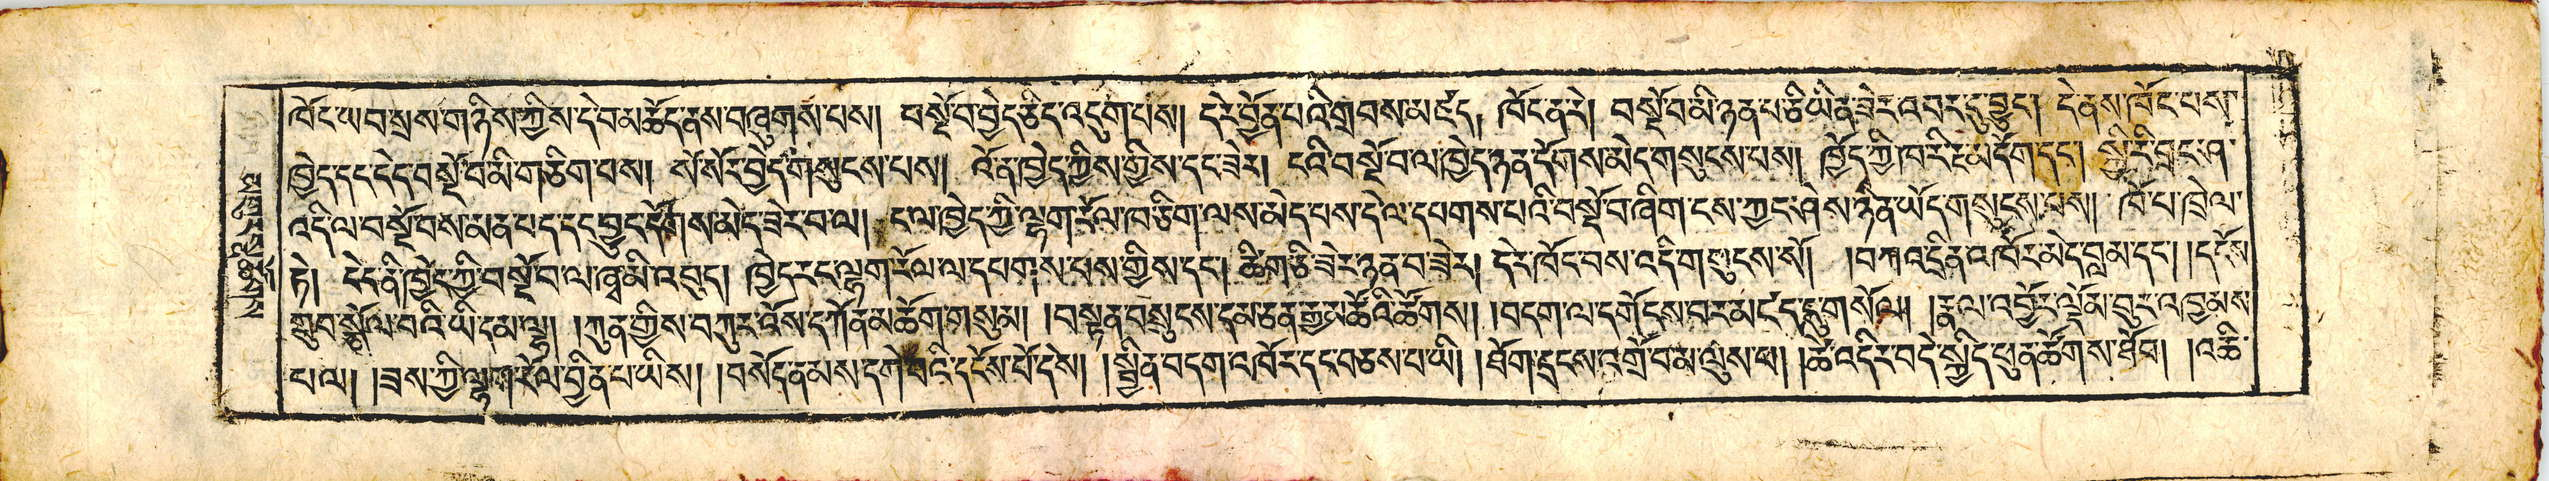ཁོང་ཡབ་སྲས་གཉིས་ཀྱིས་དེ་བ་མཆོད་ནས་བཞུགས་པས། པ་སྡེ་བ་བྱེད་ཅིད་འདུག་པས། དར་བྱོན་པའི་གྲེབས་མཛད། ཁོངན་རེ། བསྔོ་བ་མི་ཉན་པ་ཅི་ཡིན་ཟེར་འབར་དུ་བྱུང་། དེ་ནས་ཁོང་པས་
ཁྱེད་དང་ངེད་བསྔོ་བ་མི་གཅིག་པས། སོ་སོར་བྱེད་གསུངས་པས། འོ་ན་ཁྱེད་ཀྱིས་ཀྱིས་དང་ཟེར། ངའི་བསྔོ་བ་ལ་ཁྱེད་ཉན་དོགས་མེད་གསུངས་པས། ཁྱོད་ཀྱི་ཁ་རི་རྔ་མདོག་དང་། སྐྱི་རི་བྲང་ཤ་
འདི་ལ་བསྔོ་བས་མན་པད་དང་བྱུང་དོགས་མེད་ཟེར་བ་ལ། ང་ལ་ཁྱེད་ཀྱི་ལྷག་རོལ་བ་ཅིག་ལས་མེད་པས་དེ་ལ་དཔགས་པའི་བསྔོ་བ་ཞིག་ངས་ཀྱང་ཤེས་ཉེན་ཡོད་གསུངས་པས། ཁོ་པ་ཁྲེལ་
ཏེ། ངེད་ནི་ཁྱེད་ཀྱི་བསྔོ་བ་ལ་ཞྭ་མི་འབུད། ཁྱེད་རང་ལྷག་རོལ་ལ་དཔགས་པས་གྱིས་དང་། ཚིག་ཅི་ཟེར་ཉན་བ་ཟེར། དེར་ཁོང་བས་འདི་གསུངས་སོ། །བཀའ་དྲིན་འཁོར་མེད་བླ་མ་དང་། །དངོས་
གྲུབ་སྩོལ་བའི་ཡི་དམ་ལྷ། །ཀུན་གྱིས་བཀུར་འོས་དཀོན་མཆོག་གསུམ། །བསྟན་བསྲུངས་དམ་ཅན་རྒྱ་མཚོའི་ཚོགས། །བདག་ལ་དགོངས་བར་མཛད་དུ་གསོལ། །རྣལ་འབྱོར་ལྡོམ་བུར་འཁྱམས་
པ་ལ། །ཟས་ཀྱི་ལྷག་རོལ་བྱིན་པ་ཡིས། །བསོད་ནམས་དཀེ་བའི་དངོས་པོ་དེས། །སྦྱིན་བདག་འཁོར་དང་བཅས་པ་ཡི། །ཐོག་དྲངས་འགྲོ་བ་མ་ལུས་པ། །ཚེ་འདིར་བདེ་སྐྱིད་ཕུན་ཚོགས་ཐོབ། །འཆི་